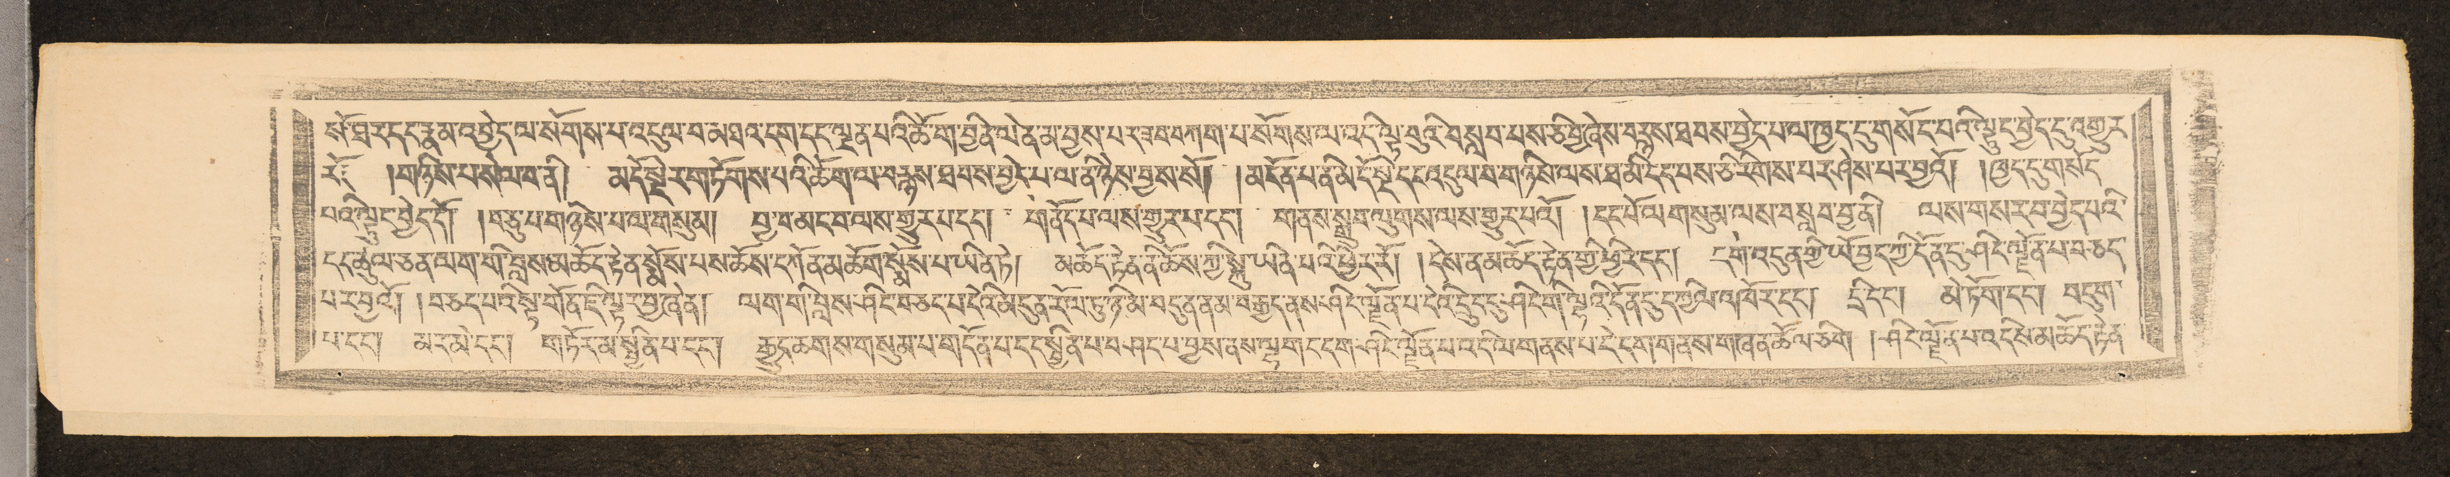སོ་ཐར་དང་རྣམ་འབྱེད་ལ་སོགས་པ་འདུལ་བ་མཐའ་དག་དང་ལྡན་བའི་ཆོ་ག་བྱིན་ལེན་མ་བྱས་པར་ཟ་བ་བཀག་པ་སོགས་ལ་འདི་ལྟ་བུའི་བསླབ་བས་ཅི་བྱ་ཞེས་བརྙས་ཐབས་བྱེད་པ་ལ་ཁྱད་དུ་གསོད་བའི་ལྟུང་བྱེད་དུ་འགྱུར་
རོ༑ །གཉིས་པ་སེལ་བ་ནི། མདོ་སྡེར་གཏོགས་བའི་ཆོ་ག་ལ་བརྙས་ཐབས་བྱེད་བ་ལ་ནི་ཉེས་བྱས་སོ། །མངོན་པ་ནི་མདོ་སྡེ་དང་འདུལ་བ་གཉིས་ལས་ཐ་མི་དད་བས་ཅི་རིགས་པར་ཤེས་པར་བྱའོ། །ཁྱང་དུ་གསོད་
པའི་ལྟུང་བྱེད་དོ། །བཅུ་པ་གཉིས་པ་ལ་གསུམ། བྱ་བ་མང་བ་ལས་གྱུར་བ་དད། གནོད་བ་ལས་གྱུར་པ་དང་། གནས་སྒྲུབ་ལུགས་ལས་གྱུར་པའོ། །དང་བོ་ལ་གསུམ་ལས་བསླབ་བྱ་ནི། ལས་གསར་པ་བྱེད་པའི་
དང་ཚུལ་ཅན་ལག་གི་བླས་མཆོད་རྟེན་སྨོས་བས་ཆོས་དཀོན་མཆོག་སྨོས་པ་ཡིན་ཏེ། མཆོད་རྟེན་ནི་ཆོས་ཀྱི་སྐུ་ཡིན་པའི་ཕྱིར་རོ། །དེས་ན་མཆོད་རྟེན་གྱི་ཕྱིར་དང་། དགེ་འདུན་གྱི་ཡོ་བྱད་ཀྱི་དོན་དུ་ཤིང་ལྗོན་པ་བཅད་
པར་བྱའོ། །བཅད་བའི་སྟ་གོན་ཇི་ལྟར་བྱ་ཞེ་ན། ལག་གི་བླས་ཤིང་བཅང་བ་དེའི་མདུན་རོལ་ཏུ་ཉི་མ་བདུན་ནམ་བརྒྱད་ནས་ཤིང་ལྗོན་བ་དེའི་དྲུང་དུ་ཤིང་གི་ལྷའི་དོན་དུ་དཀྱིལ་འཁོར་དང་། དྲི་དང་། མེ་ཏོག་དང་། བདུག་
བ་དང་། མར་མེ་དང་། གཏོར་མ་སྦྱིན་པ་དང་། རྒྱུད་ཆགས་གསུམ་པ་གདོན་པ་དང་སྦྱིན་བ་བཤད་པ་བྱས་ནས་ལྷ་གང་དག་ཤིང་ལྗོན་པ་འདི་ལ་གནས་པ་དེ་དག་གནས་གཞན་ཚོལ་ཅིག །ཤིང་ལྗོན་པ་འདིས་མཆོད་རྟེན་